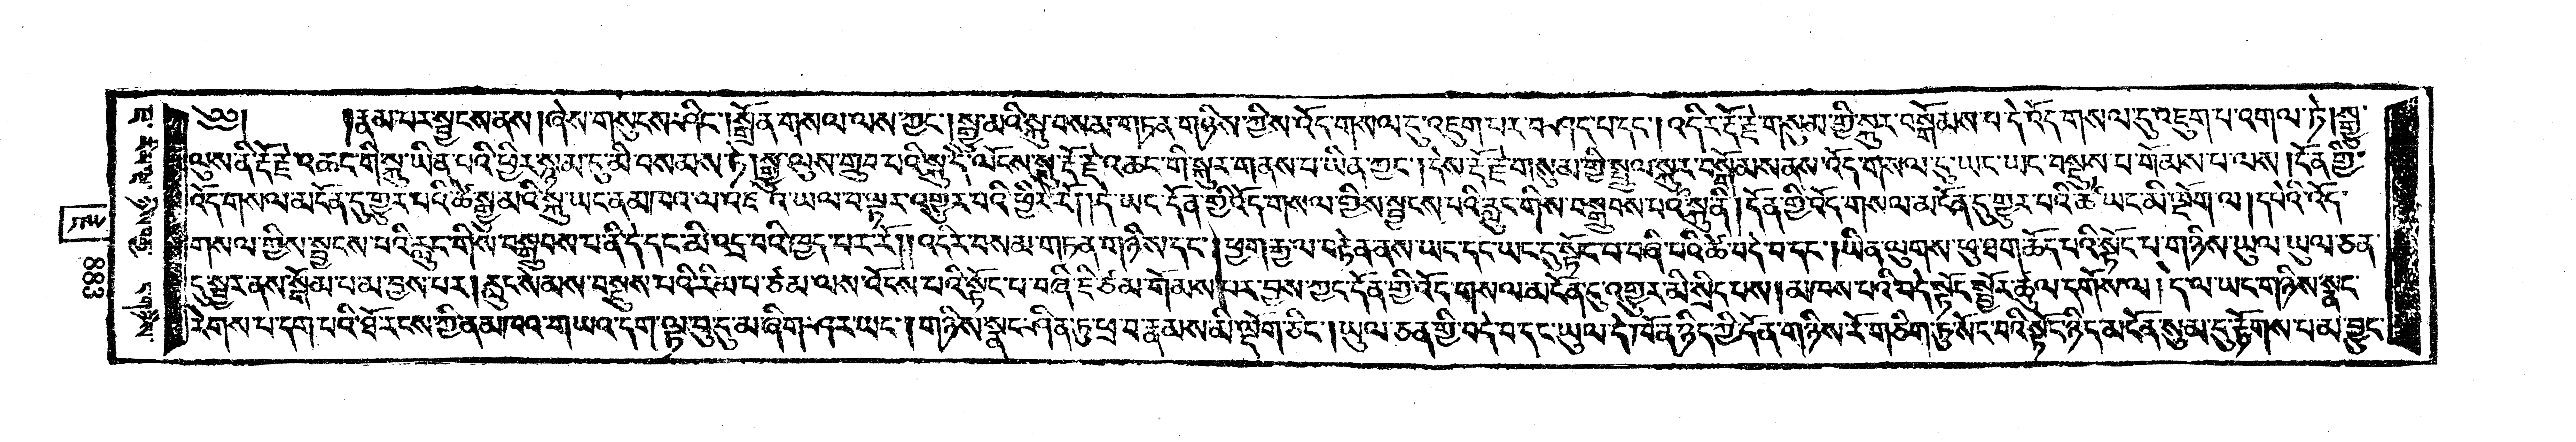༄༅། །རྣམ་པར་སྦྱངས་ནས། ཞེས་གསུངས་ཤིང་། སྒྲོན་གསལ་ལས་ཀྱང་། སྒྱུ་མའི་སྐུ་བསམ་གཏན་གཉིས་ཀྱིས་འོད་གསལ་དུ་འཇུག་པར་བཤད་པ་དང་། འདིར་རྡོ་རྗེ་གསུམ་གྱི་སྐུར་བསྒོམས་པ་དེ་འོད་གསལ་དུ་འཇུག་པ་འགལ་ཏེ། སྒྱུ་
ལུས་ནི་རྡོ་རྗེ་འཆང་གི་སྐུ་ཡིན་པའི་ཕྱིར་སྙམ་དུ་མི་བསམས་ཏེ། སྒྱུ་ལུས་གྲུབ་པའི་སྐུ་དེ་ལོངས་སྐུ་དེ་ལོངས་སྐུ་རྡོ་རྗེ་འཆང་གི་སྐུར་གནས་པ་ཡིན་ཀྱང་། དེས་རྡོ་རྗེ་གསུམ་གྱི་སྤྲུལ་སྐུར་བསྒོམས་ནས་འོད་གསལ་དུ་ཡང་ཡང་བསྡུས་པ་གོམས་པ་ལས། དོན་གྱི་
འོད་གསལ་མངོན་དུ་གྱུར་པའི་ཚེ་སྒྱུ་མའི་སྐུ་ཡང་ནམ་མཁའ་ལ་འཇའ་ཡལ་བ་ལྟར་འགྱུར་བའི་ཕྱིར་རོ། །དེ་ཡང་དོན་གྱི་འོད་གསལ་གྱིས་སྦྱངས་པའི་རླུང་གིས་བསྒྲུབས་པའི་སྐུ་ནི། དོན་གྱི་འོད་གསལ་མངོན་དུ་གྱུར་པའི་ཚེ་ཡང་མི་ལྡོག་ལ། དཔེའི་འོད་
གསལ་གྱིས་སྦྱངས་པའི་རླུང་གིས་བསྒྲུབས་པ་ནི་དེ་དང་མི་འདྲ་བའི་ཁྱད་པར་རོ། །འདིར་བསམ་གཏན་གཉིས་དང་། ཕྱག་རྒྱ་ལ་བརྟེན་ནས་ཡང་དང་ཡང་དུ་སྟོང་པ་བཞི་པའི་ཚེ་བདེ་བ་དང་། ཡིན་ལུགས་ཕུ་ཐག་ཆོད་པའི་སྟོང་པ་གཉིས་ཡུལ་ཡུལ་ཅན་
དུ་སྦྱར་ནས་སྒོམ་པ་མ་བྱས་པར། རླུང་སེམས་བསྡུས་པའི་རིམ་པ་ཙམ་ལས་འོངས་པའི་སྟོང་པ་བཞི་ཇི་ཙམ་གོམས་པར་བྱས་ཀྱང་དོན་གྱི་འོད་གསལ་མངོན་དུ་འགྱུར་མི་སྲིད་པས། མཁས་པའི་བདེ་སྟོང་སྦྱོར་ཚུལ་དགོས་ལ། དེ་ལ་ཡང་གཉིས་སྣང་
རེགས་པ་དག་པའི་ཐོ་རངས་ཀྱི་ནམ་མཁའ་གཡའ་དག་ལྟ་བུ་དུ་མ་ཞིག་ཤར་ཡང་། གཉིས་སྣང་ཤིན་ཏུ་ཕྲ་བ་རྣམས་མི་ལྡོག་ཅིང་། ཡུལ་ཅན་གྱི་བདེ་བ་དང་ཡུལ་དེ་ཁོ་ན་ཉིད་ཀྱི་དོན་གཉིས་རོ་གཅིག་ཏུ་སོང་བའི་སྟོང་ཉིད་མངོན་སུམ་དུ་རྟོགས་པ་མ་བྱུང་